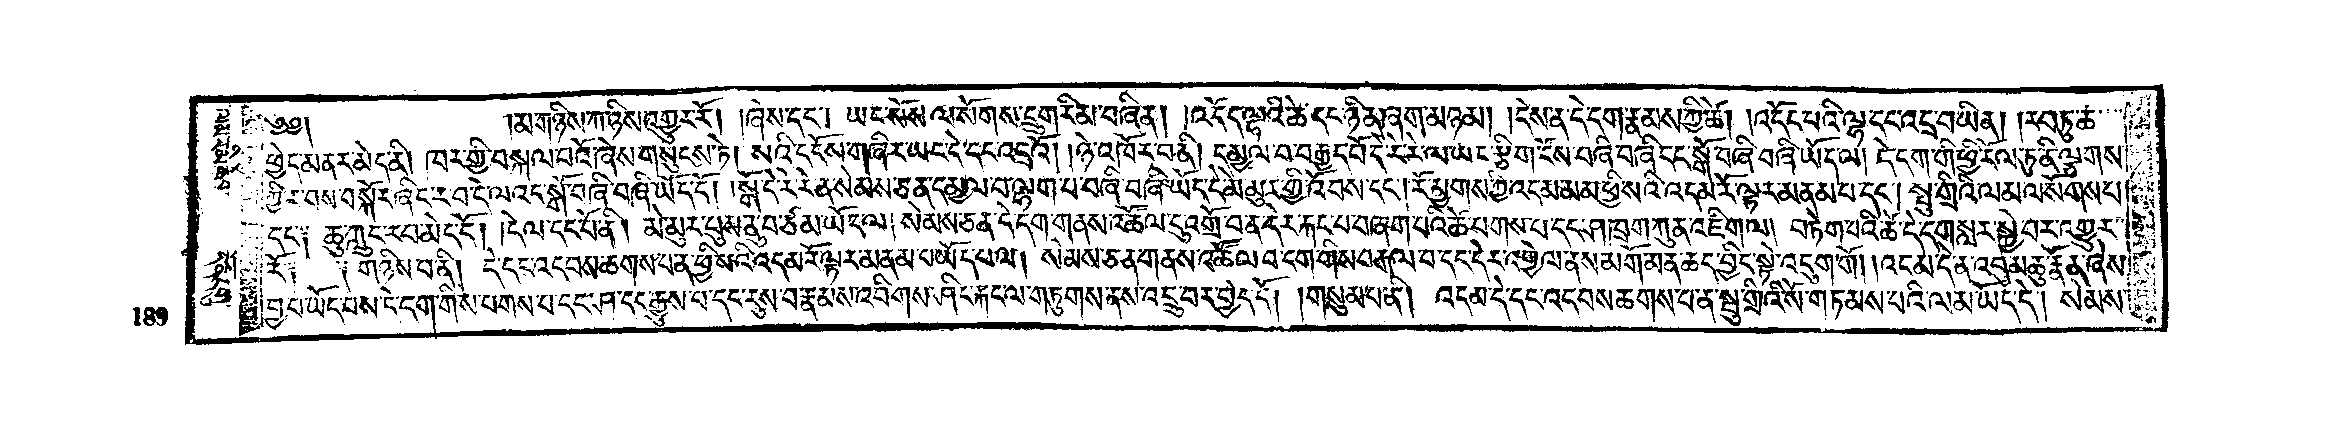༄༅། །མ་གཉིས་ཀ་ཉིས་འགྱུར་རོ། །ཞེས་དང་། ཡང་སོས་ལ་སོགས་དྲུག་རིམ་བཞིན། །འདོད་ལྷའི་ཚེ་དང་ཉིན་ཞག་མཉམ། །དེས་ན་དེ་དག་རྣམས་ཀྱི་ཚེ། །འདོད་པའི་ལྷ་དང་འདྲ་བ་ཡིན། །རབ་ཏུ་ཚ་
ཕྱེད་མནར་མེད་ནི། །བར་གྱི་བསྐལ་པའོ་ཞེས་གསུངས་ཏེ། སའི་དངོས་གཞིར་ཡང་དེ་དང་འདྲའོ། །ཉེ་འཁོར་བ་ནི། དམྱལ་བ་བརྒྱད་པོ་དེ་རེ་རེ་ལ་ཡང་རྩིག་ངོས་བཞི་བཞི་དང་སྒོ་བཞི་བཞི་ཡོད་ལ། དེ་དག་གི་ཕྱི་རོལ་ཏུ་ནི་ལྕགས་
ཀྱི་ར་བས་བསྐོར་ཞིང་ར་བ་དེ་ལའང་སྒོ་བཞི་བཞི་ཡོད་དོ། །སྒོ་དེ་རེ་རེ་ན་སེམས་ཅན་དམྱལ་བ་ལྷག་པ་བཞི་བཞི་ཡོད་དེ་མེ་མུར་གྱི་འོབས་དང་། རོ་མྱགས་ཀྱི་འདམ་མམ་ཕྱི་སའི་འདམ་རོ་ལྟར་མནམ་པ་དང་། སྤུ་གྲིའི་ལམ་ལ་སོགས་པ་
དང༑ ཆུ་ཀླུང་རབ་མེད་དོ། །དེ་ལ་དང་པོ་ནི། མེ་མུར་པུས་ནུབ་ཙམ་ཡོད་ལ། སེམས་ཅན་དེ་དག་གནས་འཚོལ་དུ་འགྲོ་བ་ན་དེར་རྐང་པ་བཞག་པའི་ཚེ་པགས་པ་དང་ཤ་ཁྲག་ཀུན་འཇིག་ལ། བཏེག་པའི་ཚེ་དེ་དག་སླར་སྐྱེ་བར་འགྱུར་
རོ༑ ༑གཉིས་པ་ནི། དེ་དང་འདབས་ཆགས་པ་ན་ཕྱི་སའི་འདམ་རོ་ལྟར་མནམ་པ་ཡོད་པ་ལ། སེམས་ཅན་གནས་འཚོལ་བ་དག་གིས་བརྒལ་བ་དང་དེར་འགྱེལ་ནས་མགོ་མན་ཆད་བྱིང་སྟེ་འདུག་གོ། །འདམ་དེ་ན་འབུམ་ཆུ་རྣོན་ཞེས་
བྱ་བ་ཡོད་པས་དེ་དག་གིས་པགས་པ་དང་ཤ་དང་རྒྱུས་པ་དང་རུས་པ་རྣམས་འབིགས་ཤིང་རྐང་ལ་གཏུགས་ནས་འདྲུ་བར་བྱེད་དོ། །གསུམ་པ་ནི། འདམ་དེ་དང་འདབས་ཆགས་པ་ན་སྤུ་གྲིའི་སོ་གཏམས་པའི་ལམ་ཡོད་དེ། སེམས་